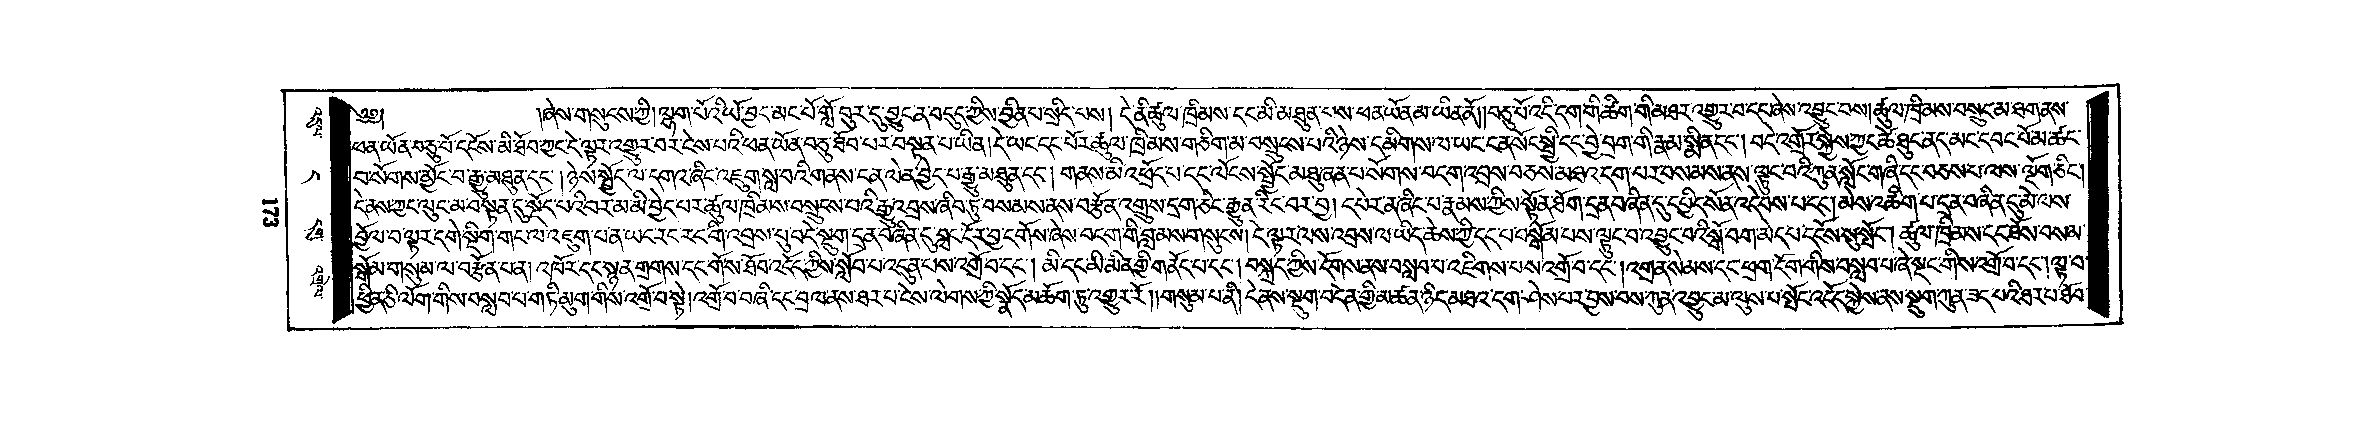༄༅། །ཞེས་གསུངས་ཀྱི། ལྷག་པོའི་ཡོ་བྱད་མང་པོ་གློ་བུར་དུ་བྱུང་ན་བདུད་ཀྱིས་བྱིན་པ་སྲིད་པས། དེ་ནི་ཚུལ་ཁྲིམས་དང་མི་མཐུན་པས་ཕན་ཡོན་མ་ཡིན་ནོ། །བཅུ་པོ་འདི་དག་གི་ཚིག་གི་མཐར་འགྱུར་བ་དང་ཞེས་འབྱུང་བས། ཚུལ་ཁྲིམས་བསྲུང་མ་ཐག་ནས་
ཕན་ཡོན་བཅུ་པོ་དངོས་མི་ཐོབ་ཀྱང་དེ་ལྟར་འགྱུར་བར་ངེས་པའི་ཕན་ཡོན་བཅུ་ཐོབ་པར་བསྟན་པ་ཡིན། དེ་ཡང་དང་པོར་ཚུལ་ཁྲིམས་གཅིག་མ་བསྲུངས་པའི་ཉེས་དམིགས་ལ་ཡང་ངན་སོང་སྦྱི་དང་བྱེ་བྲག་གི་རྣམ་སྨིན་དང་། བདེ་འགྲོར་སྐྱེས་ཀྱང་ཚེ་ཐུང་ནད་མང་དབང་པོ་མ་ཚང་
བ་སོགས་མྱོང་བ་རྒྱུ་མཐུན་དང་། ཉེས་སྤྱོད་ལ་དགའ་ཞིང་འཇུག་སླ་བའི་གནས་ངན་ལེན་བྱེད་པ་རྒྱུ་མཐུན་དང་། གནས་མི་འཕྲོད་པ་དང་ལོངས་སྤྱོད་མཐུ་ཞན་པ་སོགས་བདག་འབྲས་བཅས་མཐའ་དག་པར་བསམས་ནས་ལྟུང་བའི་ཀུན་སློང་གཞི་དང་བཅས་པ་ལས་ལྡོག་ཅིང་།
དེ་ནས་ཀྱང་ལུང་མ་བསྟན་དུ་སྡོད་པའི་བར་མ་མི་བྱེད་པར་ཚུལ་ཁྲིམས་བསྲུངས་པའི་རྒྱུ་འབྲས་ཞིབ་ཏུ་བསམས་ནས་བརྩོན་འགྲུས་དྲག་ཅིང་རྒྱུན་རིང་བར་བྱ། དཔེར་ན་ཞིང་པ་རྣམས་ཀྱིས་སྟོན་ཐོག་དྲན་བཞིན་དུ་དཔྱིད་སོན་འདེབས་པ་དང་། མེས་འཚིག་པ་དྲན་བཞིན་དུ་མེ་ལས་
བྱོལ་བ་ལྟར་དགེ་སྡིག་གང་ལ་འཇུག་པ་ན་ཡང་རང་རང་གི་འབྲས་བུ་བདེ་སྡུག་དྲན་བཞིན་དུ་བླང་དོར་བྱ་དགོས་ཞེས་བདག་གི་བླ་མས་གསུངས། དེ་ལྟར་ལས་འབྲས་ལ་ཡིད་ཆེས་ཀྱི་དད་པ་བསྒོམ་པས་ལྟུང་བ་འབྱུང་བའི་སྒོ་བག་མེད་པ་དངོས་སུ་སྤོང་། ཚུལ་ཁྲིམས་དང་ཐོས་བསམ་
སྒོམ་གསུམ་ལ་བརྩོན་པ་ན། འཁོར་དང་སྙན་གྲགས་དང་གོ་ས་ཐོབ་འདོད་ཀྱིས་སློབ་པ་འདུན་པས་འགྲོ་བ་དང་། མི་དང་མི་མིན་གྱི་གནོད་པ་དང་། བསྐྲད་ཀྱིས་དོགས་ནས་བསླབ་པ་འཇིགས་པས་འགྲོ་བ་དང་། འགྲན་སེམས་དང་ཕྲག་དོག་གིས་བསླབ་པ་ཞེ་སྡང་གིས་འགྲོ་བ་དང་། ལྟ་བ་
ཕྱིན་ཅི་ལོག་གིས་བསླབ་པ་གཏི་མུག་གིས་འགྲོ་བ་སྟེ། འགྲོ་བ་བཞི་དང་བྲལ་ནས་ཐར་པ་ངེས་ལེགས་ཀྱི་སྣོད་མཆོག་ཏུ་འགྱུར་རོ། །གསུམ་པ་ནི། དེ་ནས་སྡུག་བདེན་གྱི་མཚན་ཉིད་མཐའ་དག་ཤེས་པར་བྱས་བས་ཀུན་འབྱུང་མ་ལུས་པ་སྤོང་འདོད་སྐྱེས་ནས་སྡུག་ཀུན་ཟད་པའི་ཐར་པ་ཐོབ་